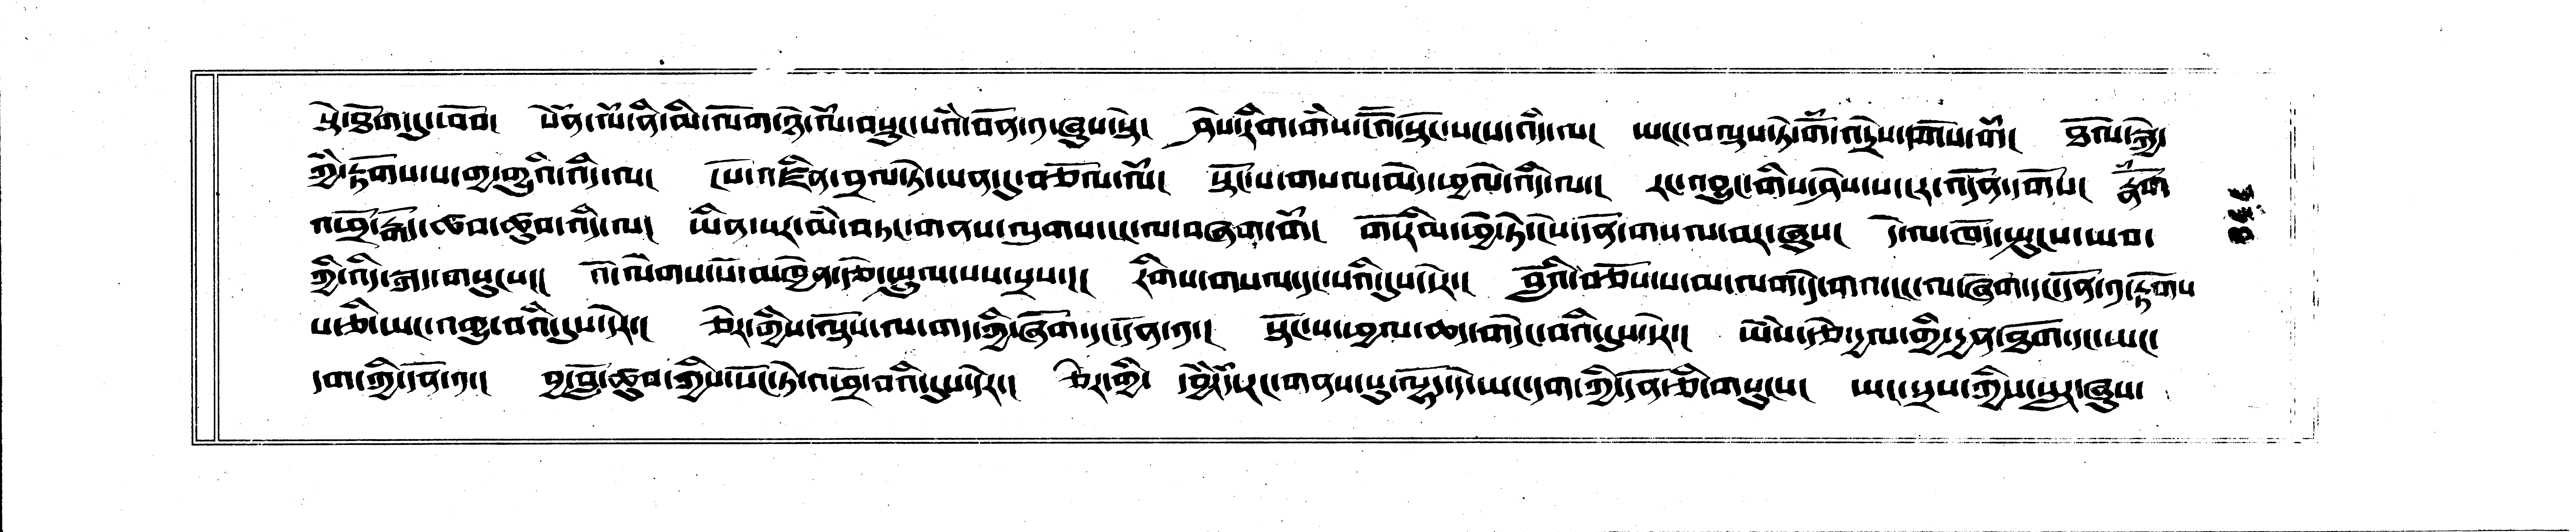སྟེ་ཐོག་ཏུ་ཕོབ། སེམས་ཅན་ལམ་ནི་མི་ལོག་ཉེ་ལམ་བསྡུང་པའི་བོན་ཅིག་ཞུས་ཏེ། ཤེས་རིག་གི་ངོའོ་སྟོང་སང་འདི་ལ། ཡང་ཡང་བལྟས་ཏེ་གོམས་འདྲིས་དགོས་གམ། ཐོལ་སྐྱེས་
ཀྱི་རྟོག་པ་གྱ་གྱུ་འདི་ལ། ངོས་འཛིན་བྲལ་ཏེ་ཡན་དུ་བཅོལ་ལམ། སྟོང་པ་གསལ་མེད་ཕྱལ་ལེ་འདི་ལ། རང་འབྱུང་གི་ཤེས་པ་ངར་འདོན་དགོས། རྣམ་རྟོག་
འཕྲོ་རྒོད་ཚབ་ཚུབ་འདི་ལ། ཡིན་པར་མི་བཏང་གནས་ལུགས་ངང་ལ་བཞག་གམ། གོ་རིམ་ཕྱེ་ཏེ་ངེས་དོན་གསལ་བར་ཞུས། དེ་ལ་ཁོད་སྤུངས་ཡབ་
ཀྱིས་འདི་སྐད་གསུངས། འོ་ལེགས་སོ་མཁྱེན་བརྩེ་སྤྲུལ་པས་༼པའི༽སྲས། རིགས་གསལ་དྭངས་བའི་དུས་དེར། བློའི་བཅོས་པ་མ་ལགས་དེ་ག་ངང་ལ་ཞོག་དང་དོན་གཅིག་རྟོག་
པ་ཅི་ཡང་འགྱུ་བའི་དུས་དེར། ཅེར་གྱིས་ལྟོས་ལ་གད་ཀྱིས་ཞོག་དང་དོན་གཅིག སྟོང་པ་ཕྱལ་ཆད་གདེང་བའི་དུས་དེར། ཡེ་ཤེས་རྩེ་རྒྱལ་གྱི་རྒྱན་ཐོགས་དང་ཡང་
དག་ཀྱི་དོན་གཅིག བྱ་བློ་ཚུབ་ཀྱིས་སོང་ཏེ་འཕྲོ་བའི་དུས་དེར། ཅིར་གྱིས་དབྱེར་མེད་རང་གནས་སུ་ལྷོད་དེ་ཡང་དག་ཀྱི་དོན་གཅིག་གསུངས། ཡང་སྲས་ཀྱིས་སླར་ཞུས་